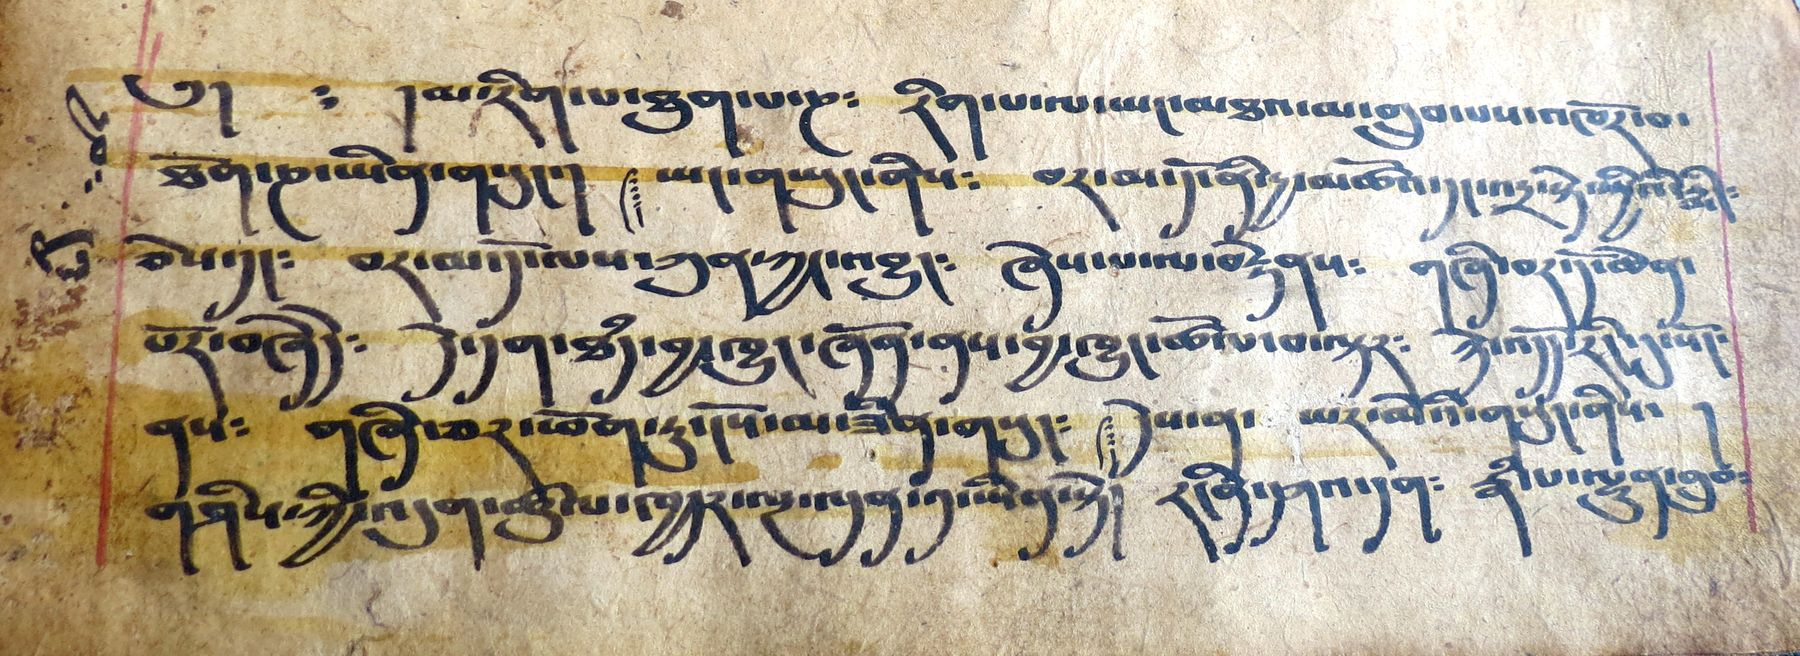མ་རིག་པ་ཐོག་མ་མེད། རིག་པ་ལ་ཡང་མཐའ་མ་གྲུབ་པས། འཁོར་བ་
ཐོག་མེད་ཡིན་གསུངས་ཀྱང་། ཡང་གཡུང་གིས་བར་མ་དོ་ནི་རྒྱ་མཚོ་དང་འདྲ་སྟེ། སྤྱི་ཡི་རྨེང་
ཞེས་དང་། བར་མ་དོ་ལས་ཀུན་ཀྱང་འབྱུང་། ཞེས་པ་ལ་བརྟེན་ནས། གཞི་བར་དོ་ཆེན་
མོར་བཞེད་དེ། དེ་དག་ཐམས་ཅད་བྱ་ཁྱུང་ཞོན་ནས་བྱ་ཁྱུང་འཚོལ་བ་དང་འདྲ་བས། ཉེ་འདོད་རིང་དུ་སོང་
ནས་གཞི་གཅེར་༼ཅར༽ཕོག་ཏུ་ངོས་མ་ཟིན་གསུངས། དེས་ན་ཡར་མེའི་གསུང་གིས་
གཤིས་ཀྱི་འདུག་ཚུལ་ཁྱད་པར་ལྔ་ལྡན་ཞིག་ཡིན་ཏེ། རང་བཞིན་ཀ་དག རྣམ་པ་ལྷུན་གྲུབ།